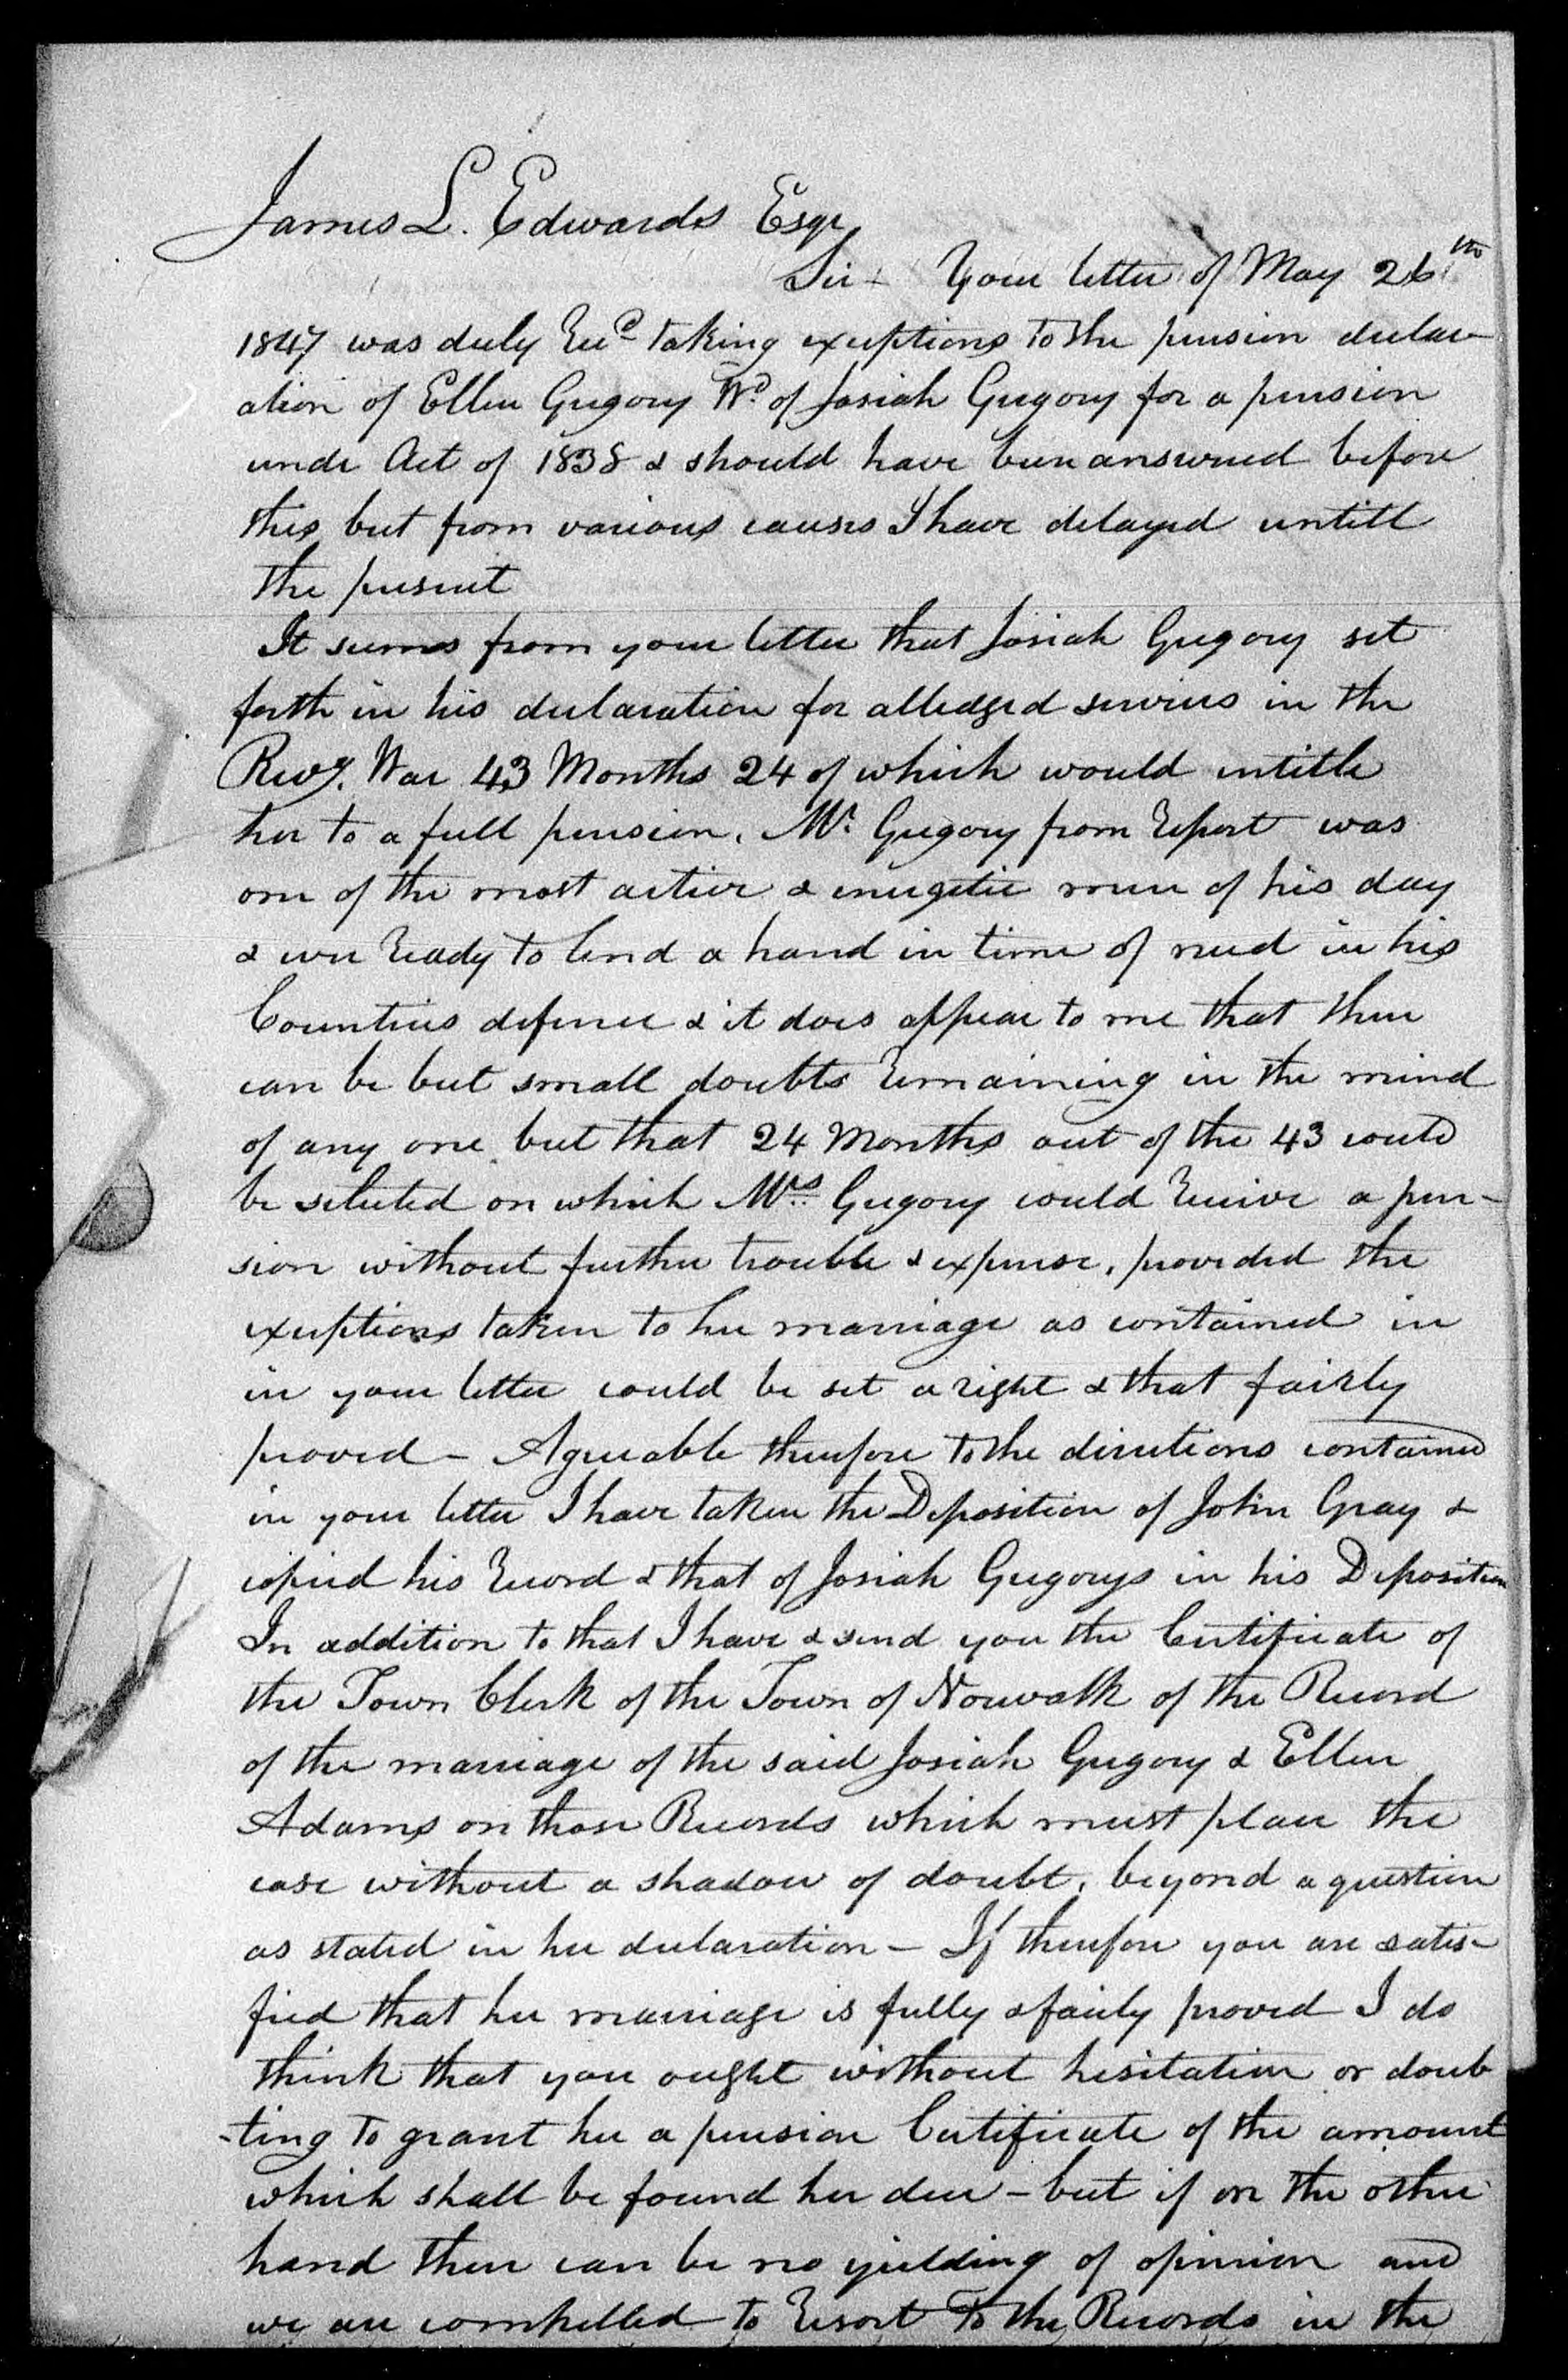James L. Edwards Esqr
Sir your letter of May 26th
1847 was duly recd taking exceptions to the pension declare
ation of Ellen Gregory Wd of Josiah Gregory for a pension
under Act of 1838 & should have been answered before
this but from various causes I have delayed untill
the present
It seems from your letter that Josiah Gregory set
forth in his declaration for alledged services in the
Rev. War 43 months 24 of which would entitle
her to a full pension. Mr Gregory from report was
one of the most active & energetic men of his day
& was ready to lend a hand in time of need in his
Counties defence & it does appear to me that then
can be but small doubts remaining in the mind
of any one but that 24 months out of the 43 could
be situted on which Mrs Gregory could receive a pen-
sion without further trouble & expense, provided the
exceptions taken to her marriage as contained in
in your letter could be set a right & that fairly
proved. Agreeable therefore to the directions contained
in your letter I have taken the Deposition of John Gray &
copied his record & that of Josiah Gregory in his Deposition
In addition to that I have & send you the Certificate of
the Town Clerk of the Town of Norwalk of the Record
of the marriage of the said Josiah Gregory & Ellen
Adams on those Records which must place the
case without a shadow of doubt, beyond a question
as stated in her declaration. If therefore you are satis-
fied that her marriage is fully & fairly proved I do
think that you ought without hesitation or doub
ting to grant her a pension certificate of the amount 
which shall be found her due - but if on the other
hand there can be no yielding of opinion and
we are compelled to resort to the Records in the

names: Gregory, Josiah Gregory, Josiah Gregory, Ellen Gregory, Ellen Adams, Josiah Gregory, Gregory, John Gray, James L Edwards, Josiah Gregory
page: 48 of 49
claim: widow's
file: W 24308, Josiah Gregory, Conn.